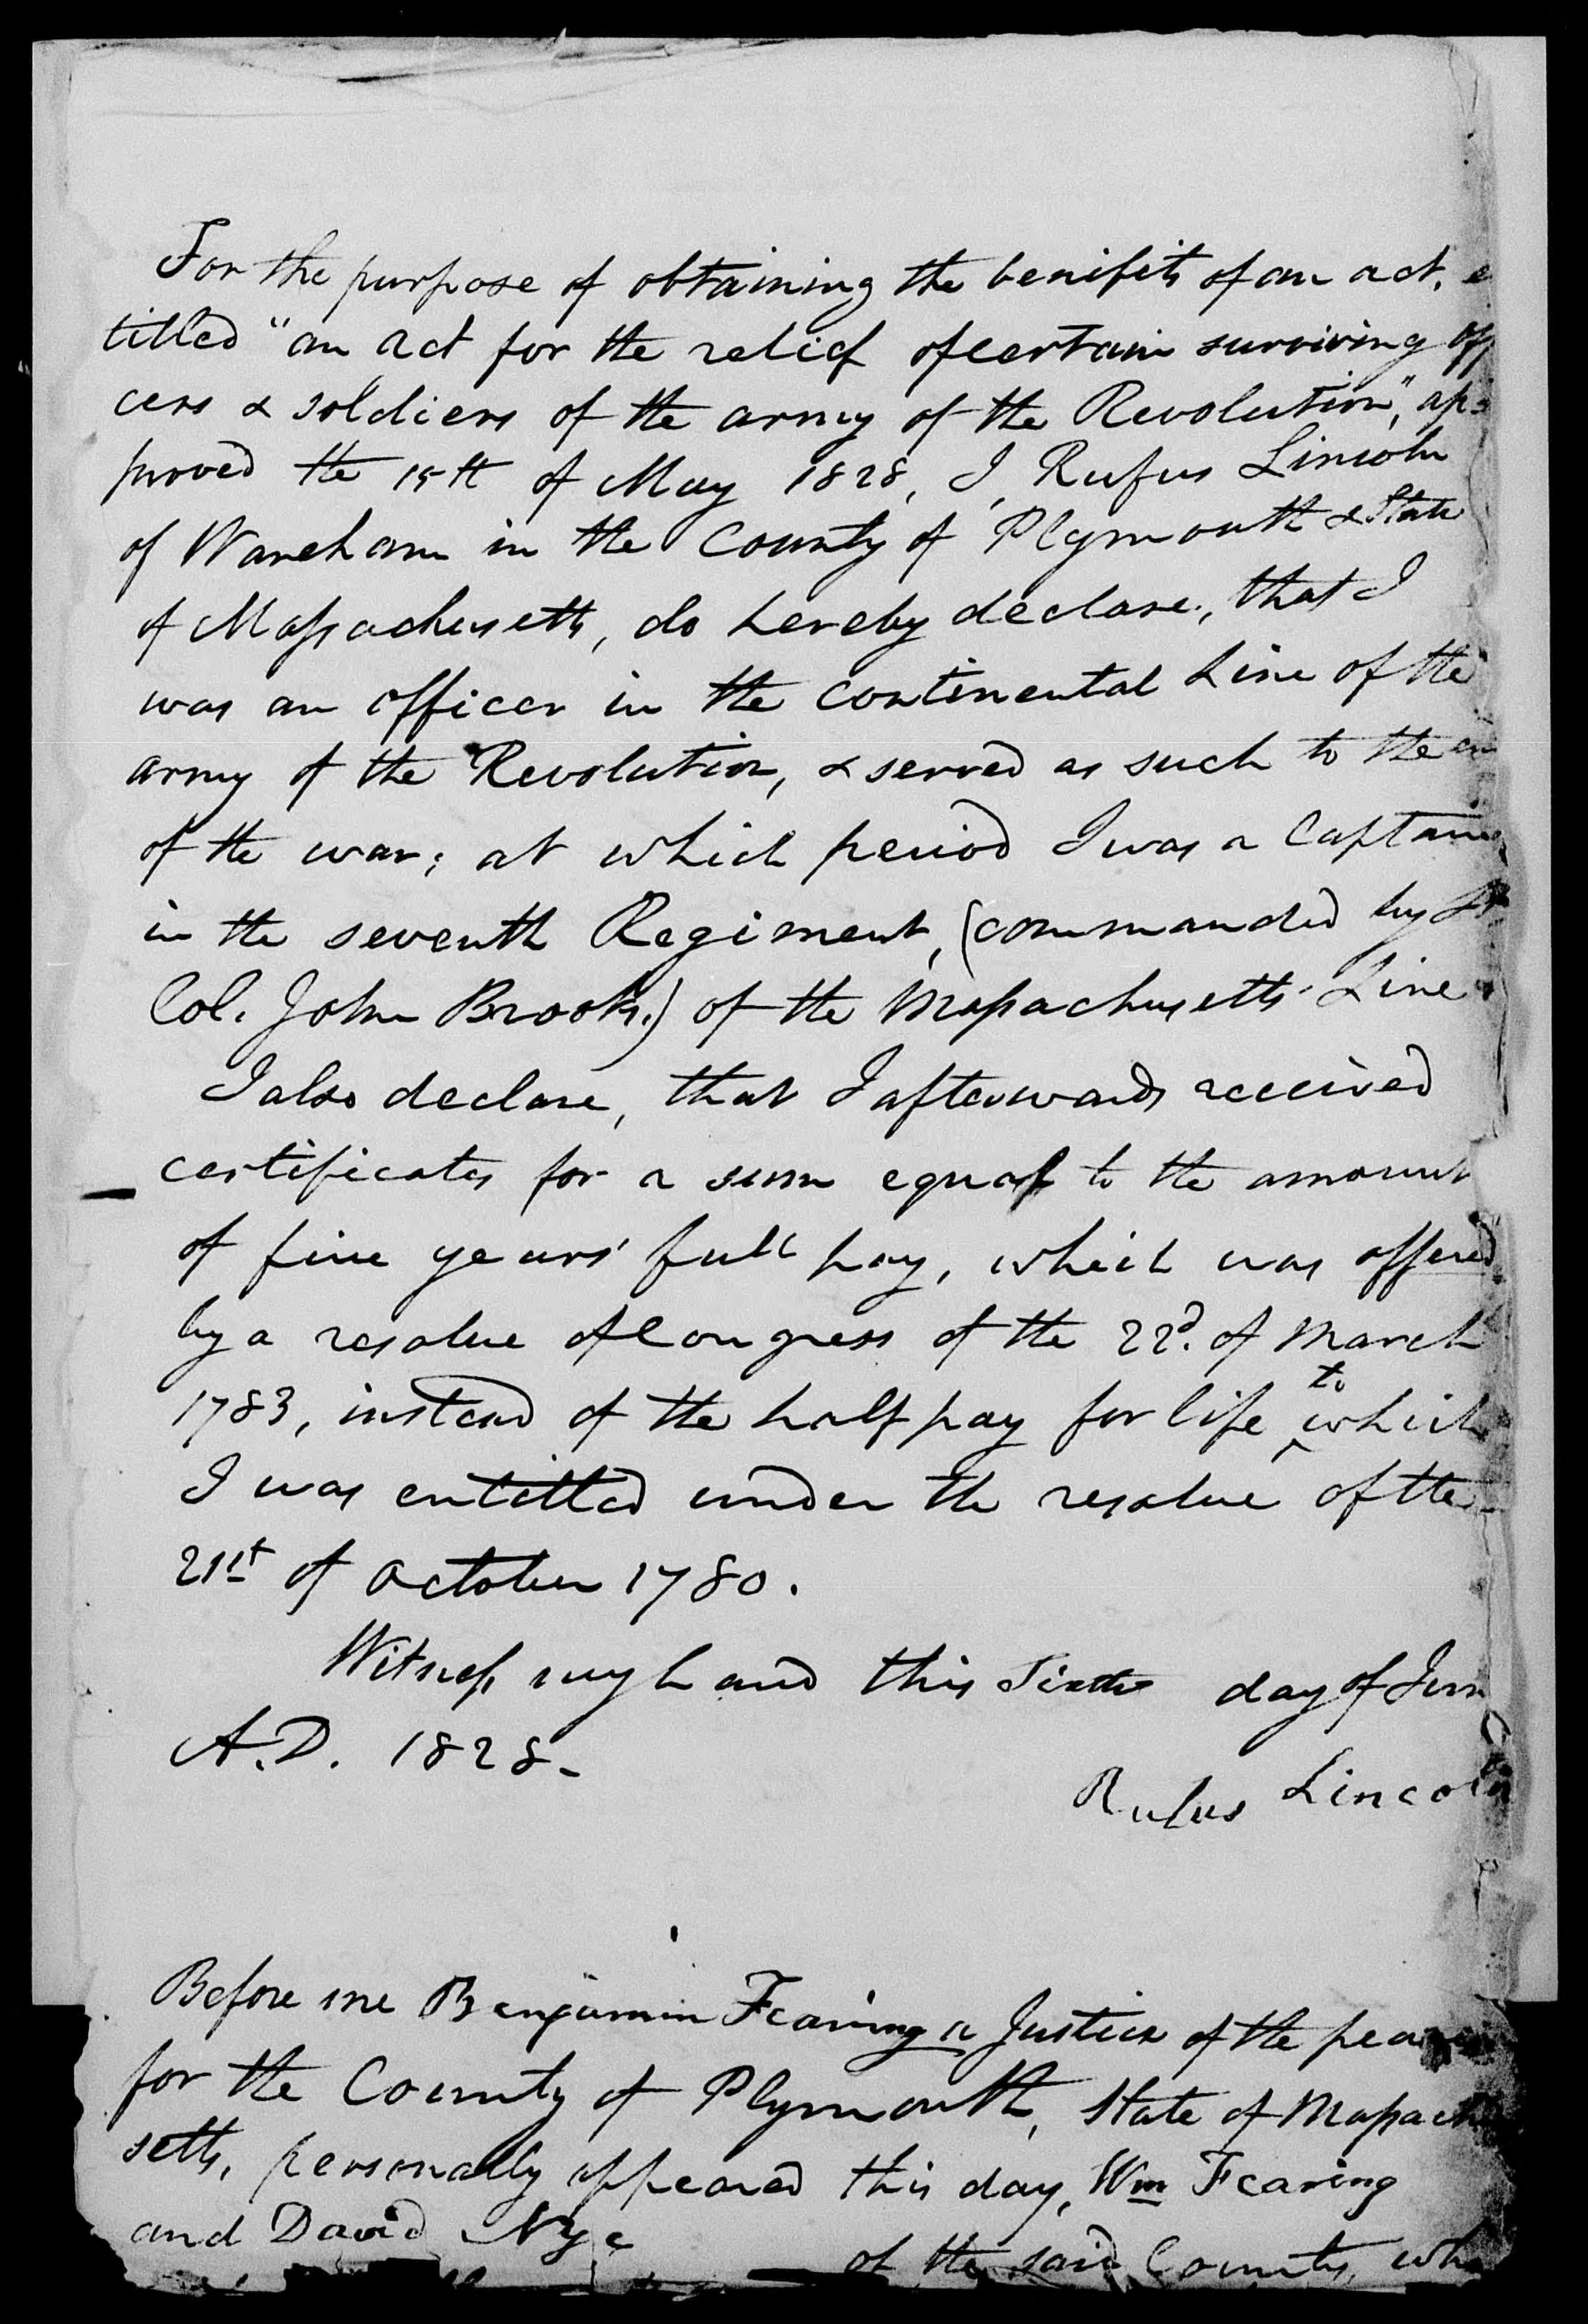for the purpose of obtaining the benefits of an act titled "an act for the relief of certain surviving offcers & soldiers of the army of the Revolution", approved the 15th of May 1828, I Rufus Lincoln of Wareham in the County of Plymouth & State of Massachusetts, do hereby declare, that I was an officer in the continental Line of the army of the Revolution & served as such to the end of the war; at which period I was a Captain in the seventh Regiment commanded by Col. John Brook of the Massachusetts Line. I also declare that I afterwards received certificates for a sum equal to the amount of five years full pay, which was offered by a resolve of Congress of the 22d of March 1783, instead of the half pay for life to which I was entitled under the resolve of the
21st of October 1780.
Witness my hand this sixth day of June
A.D. 1828.
Rufus Lincoln

Before me Benjamin Fearing a Justice of the peace for the County of Plymouth, State of Massachusetts, , personally appeared this day Wm Fearing and David Nye
of the said County, in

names: David Nye; Wm Fearing; John Brooks; Rufus Lincoln; Benjamin Fearing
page: 58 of 82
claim: widow's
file: W. 13,634, for Rufus Lincoln, Massachusetts